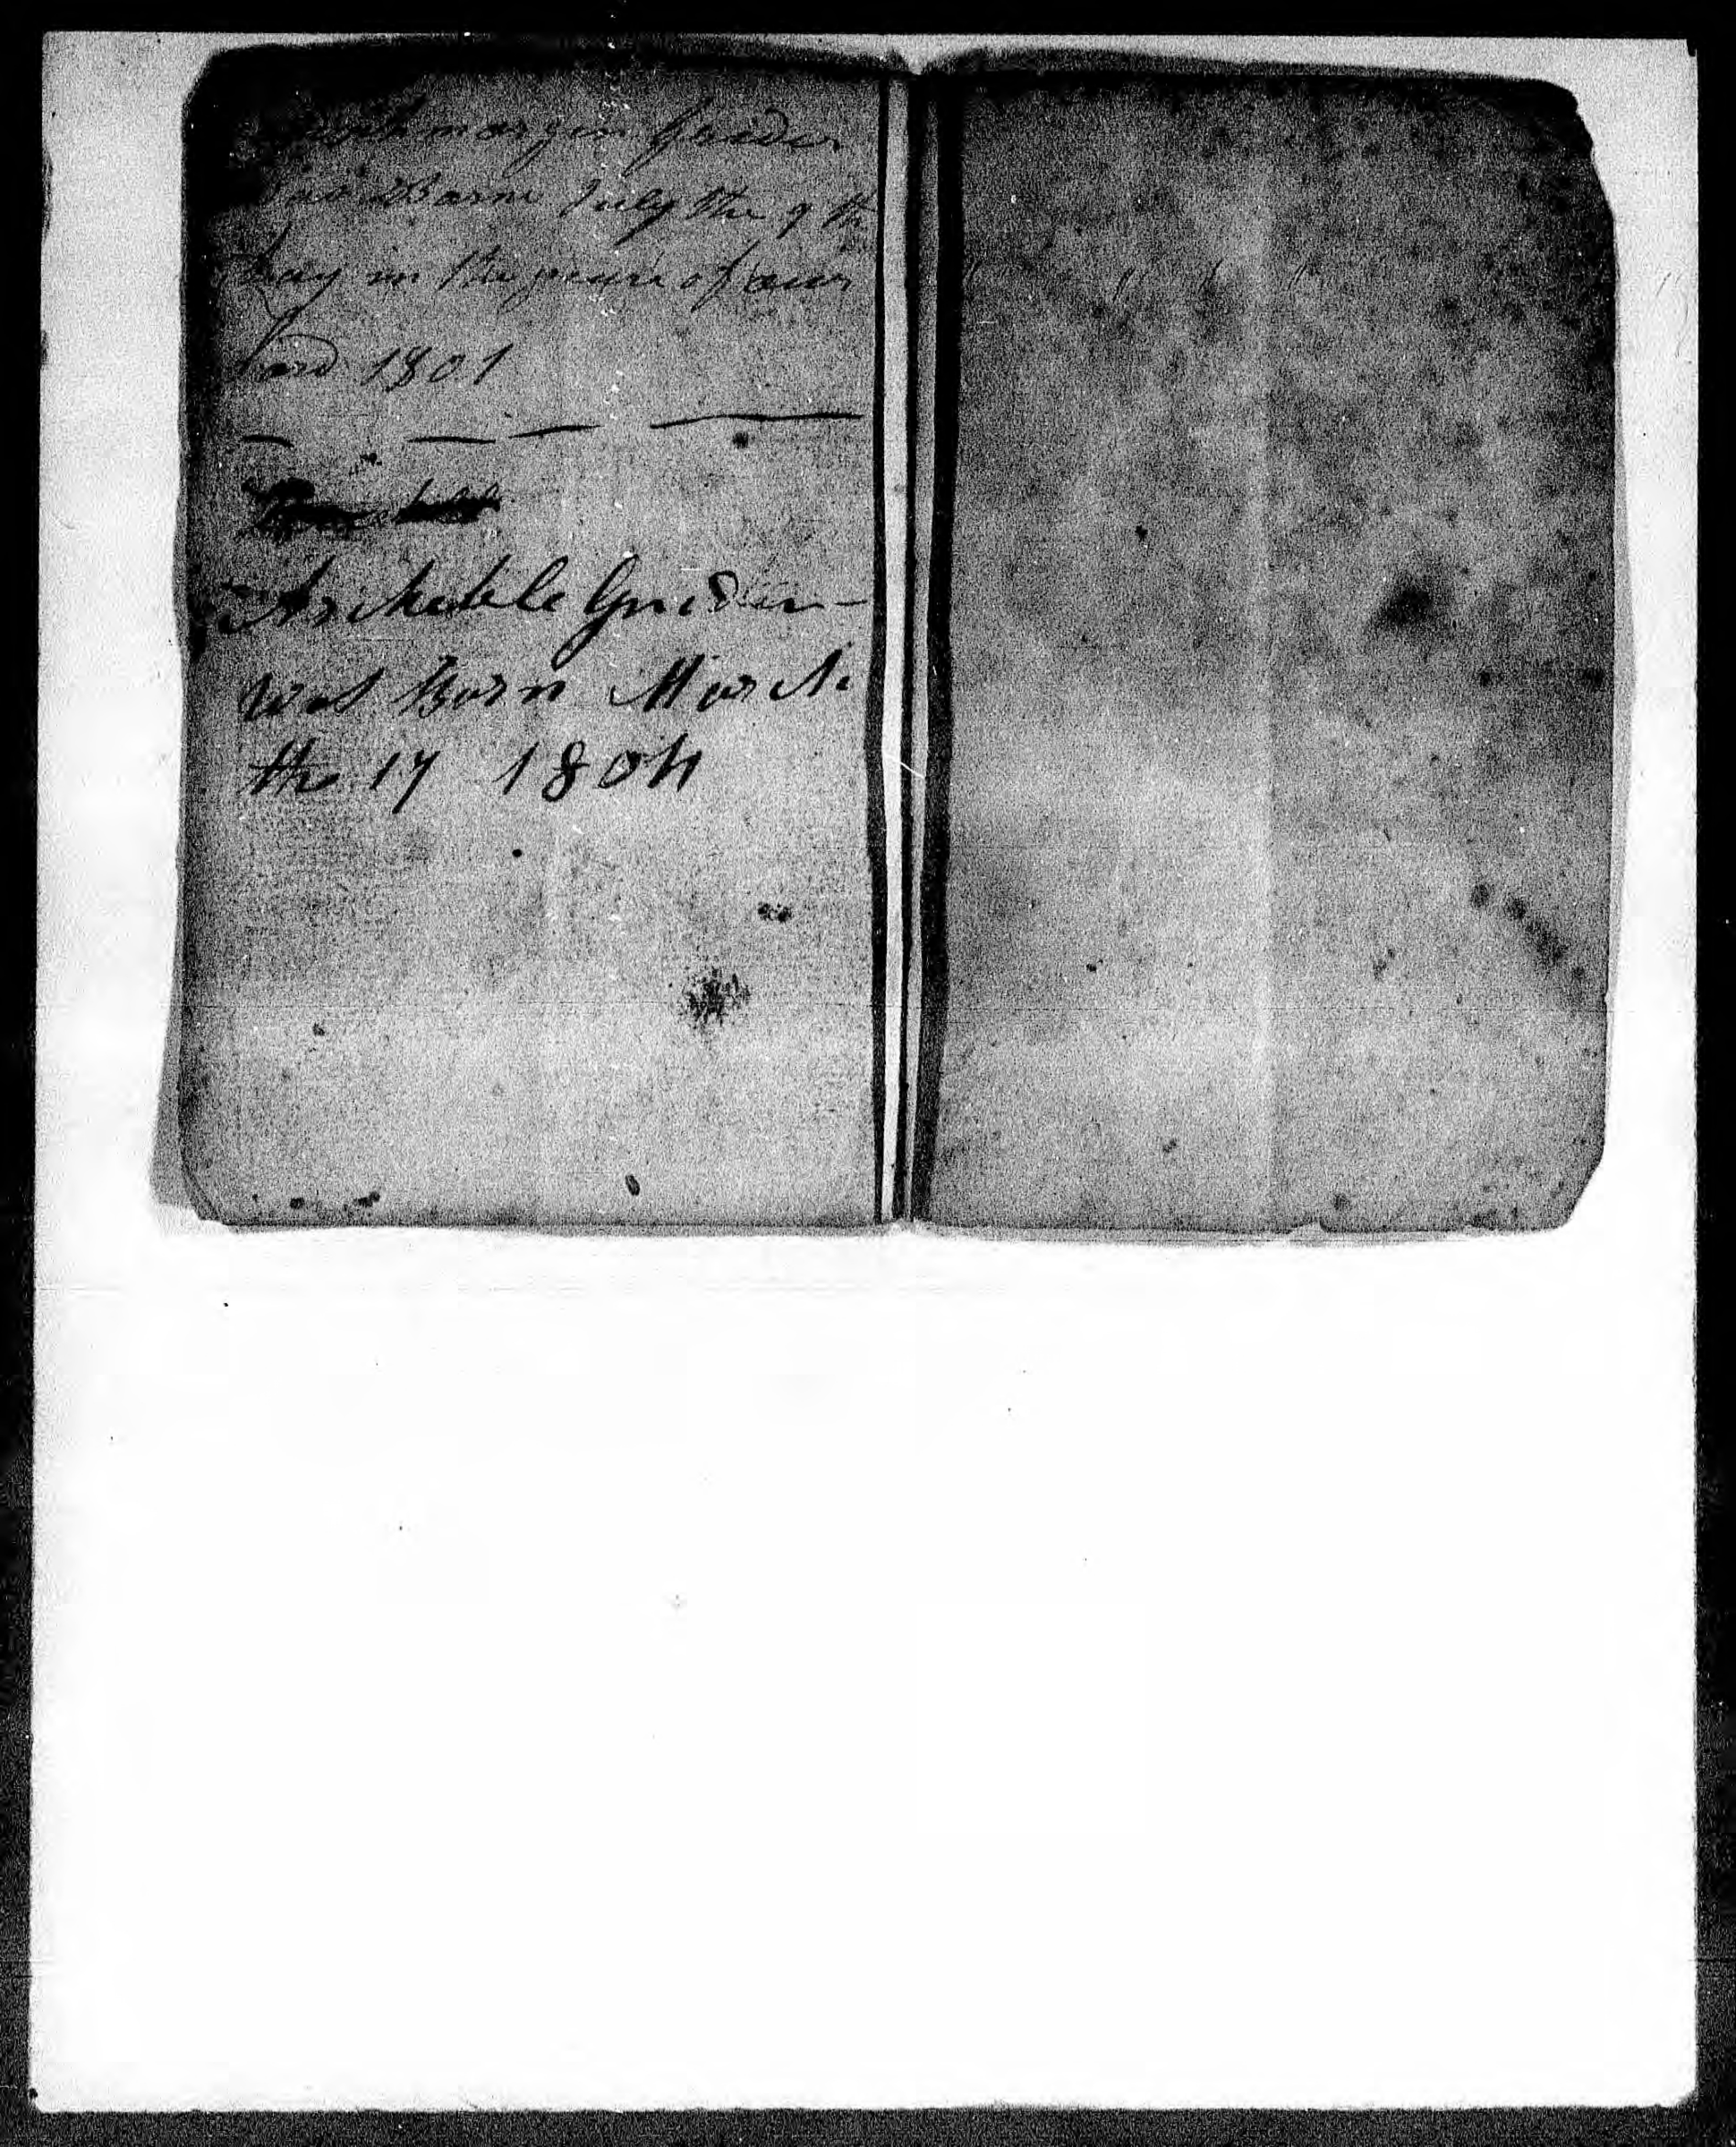[illegible] Grider
was born July the 7th
day in the year of our
lord  1801

Archibele Grider
was born March
the 17 180[illegible]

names: Morgen Grider, Archible Grider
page: 28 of 91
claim: widow's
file: W 358, John Grider, N.C.